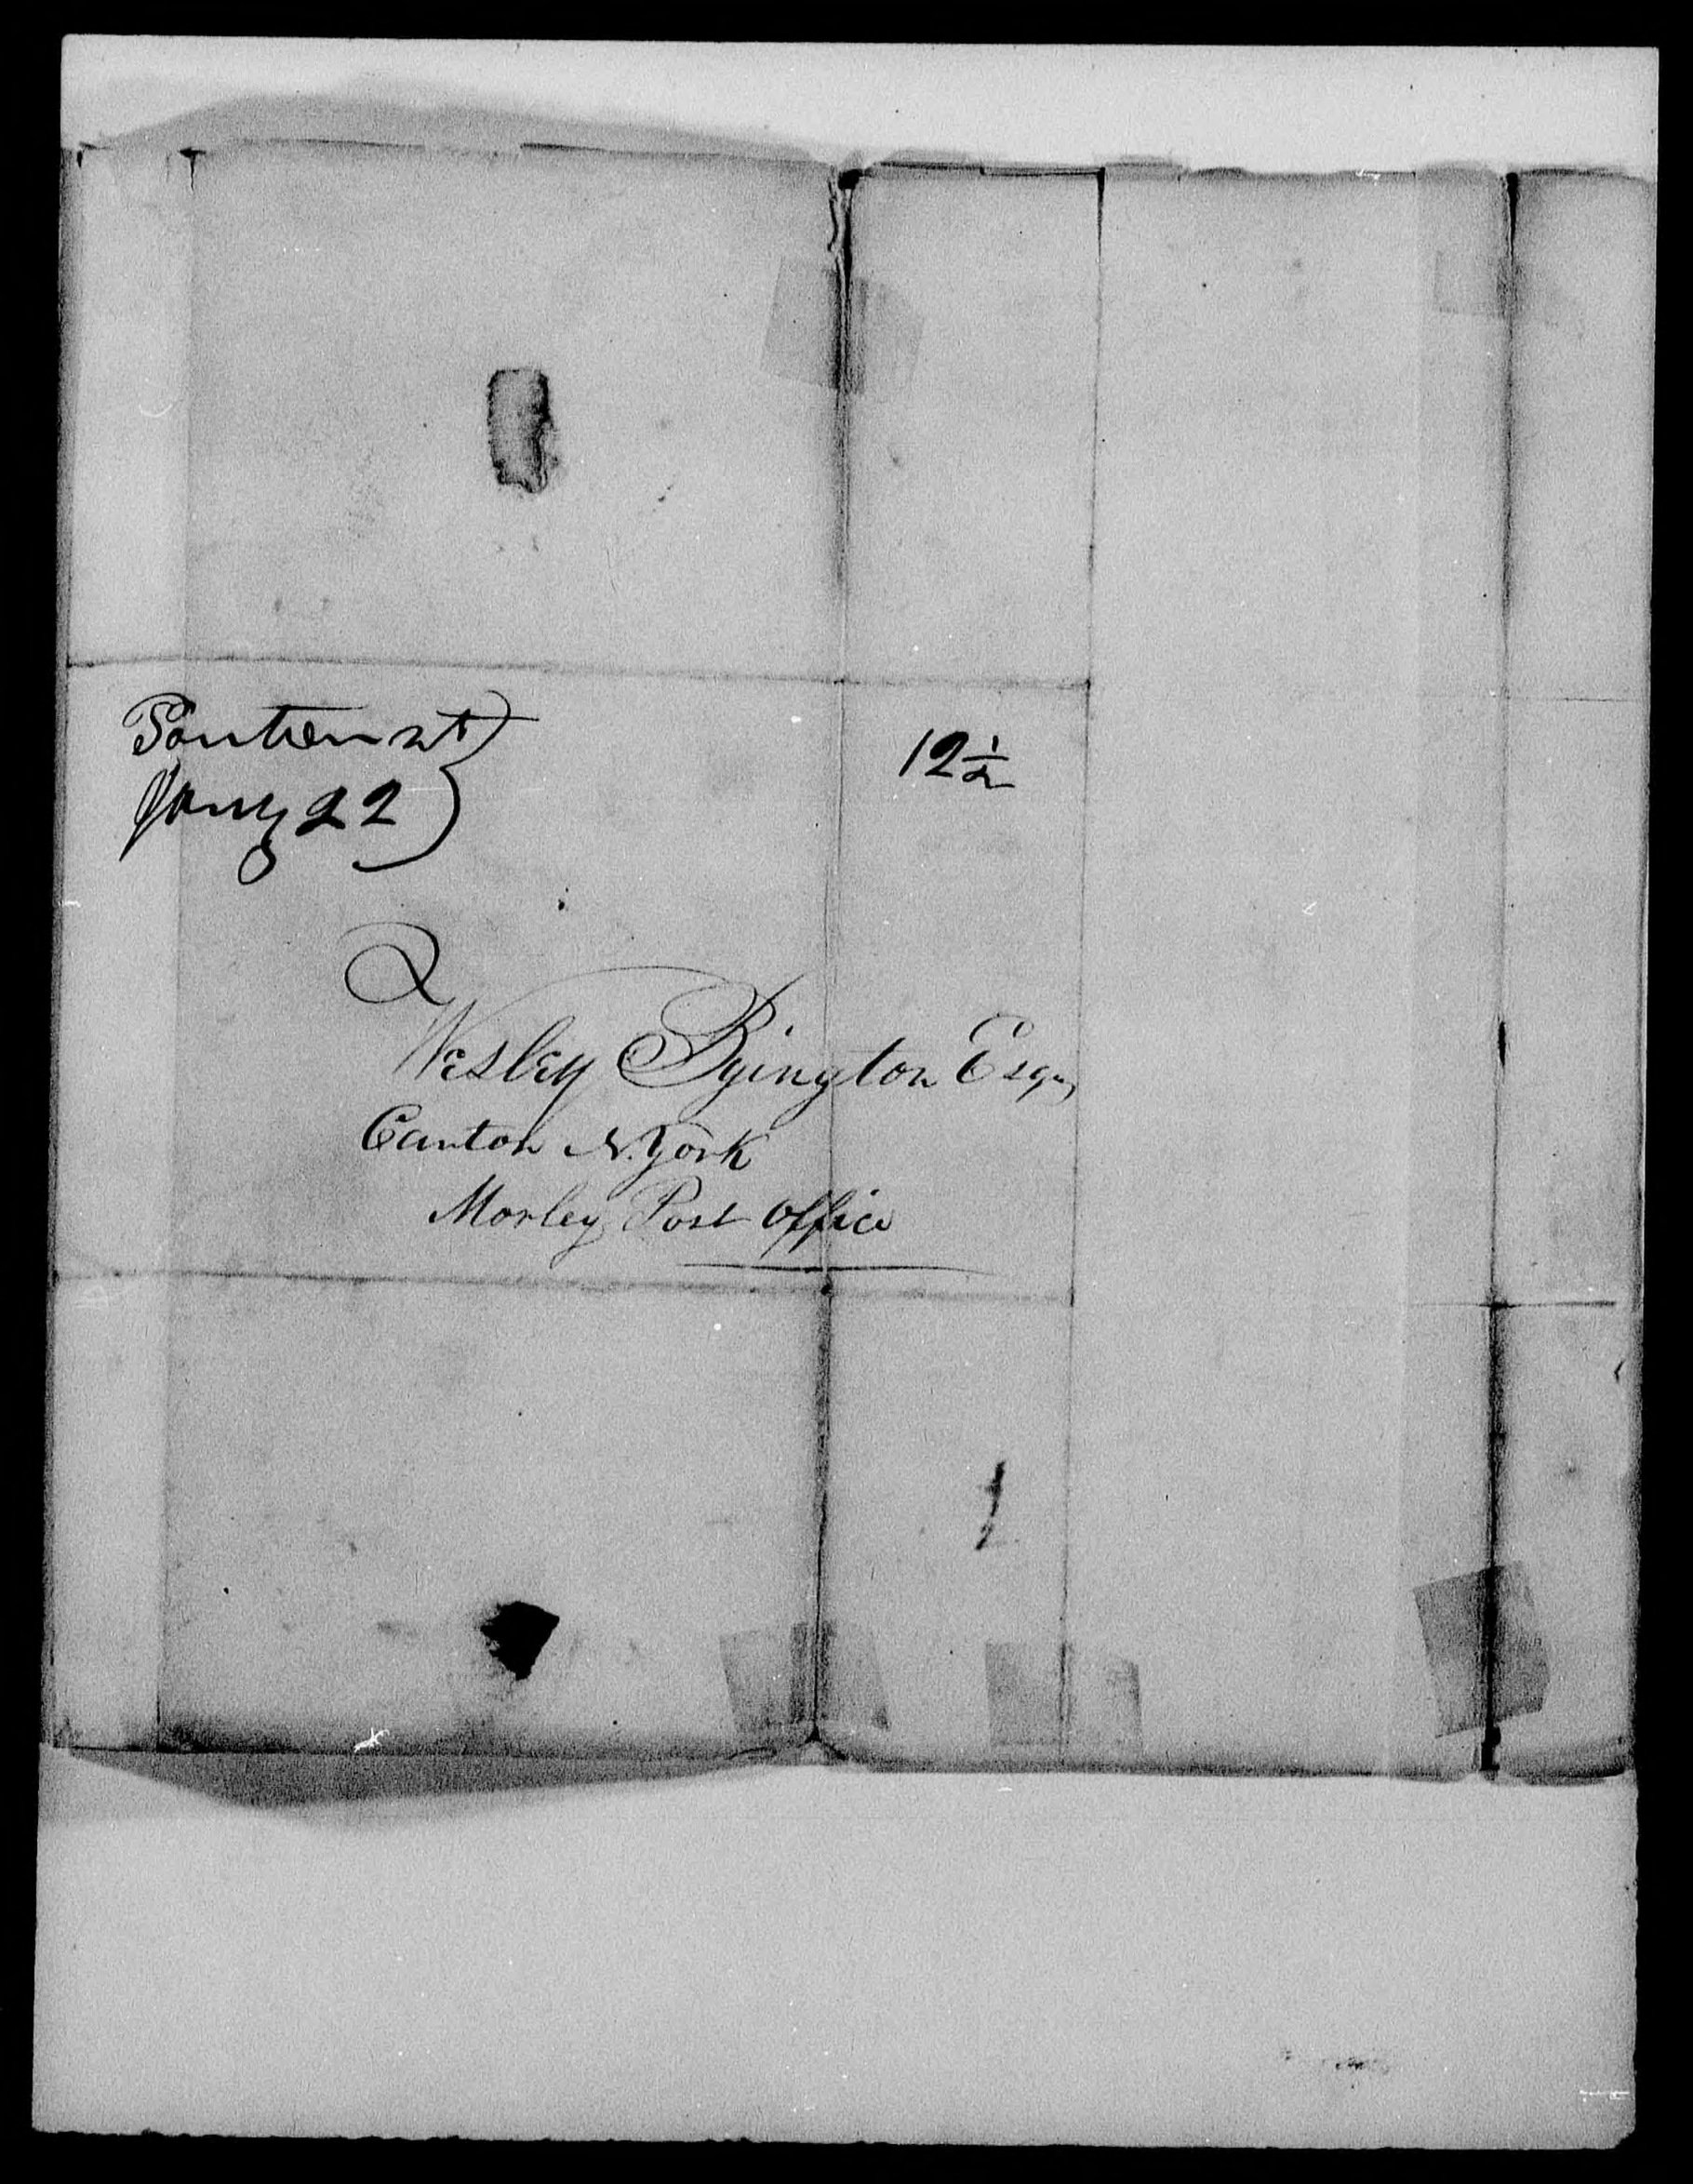(illegible)
Janry 22
12 1/2

Wesley Byington Esq
Canton N. York
Morley Post Office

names: Wesley Byington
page: 15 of 79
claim: widow's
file: W. 23754, Justus Byington, Conn.